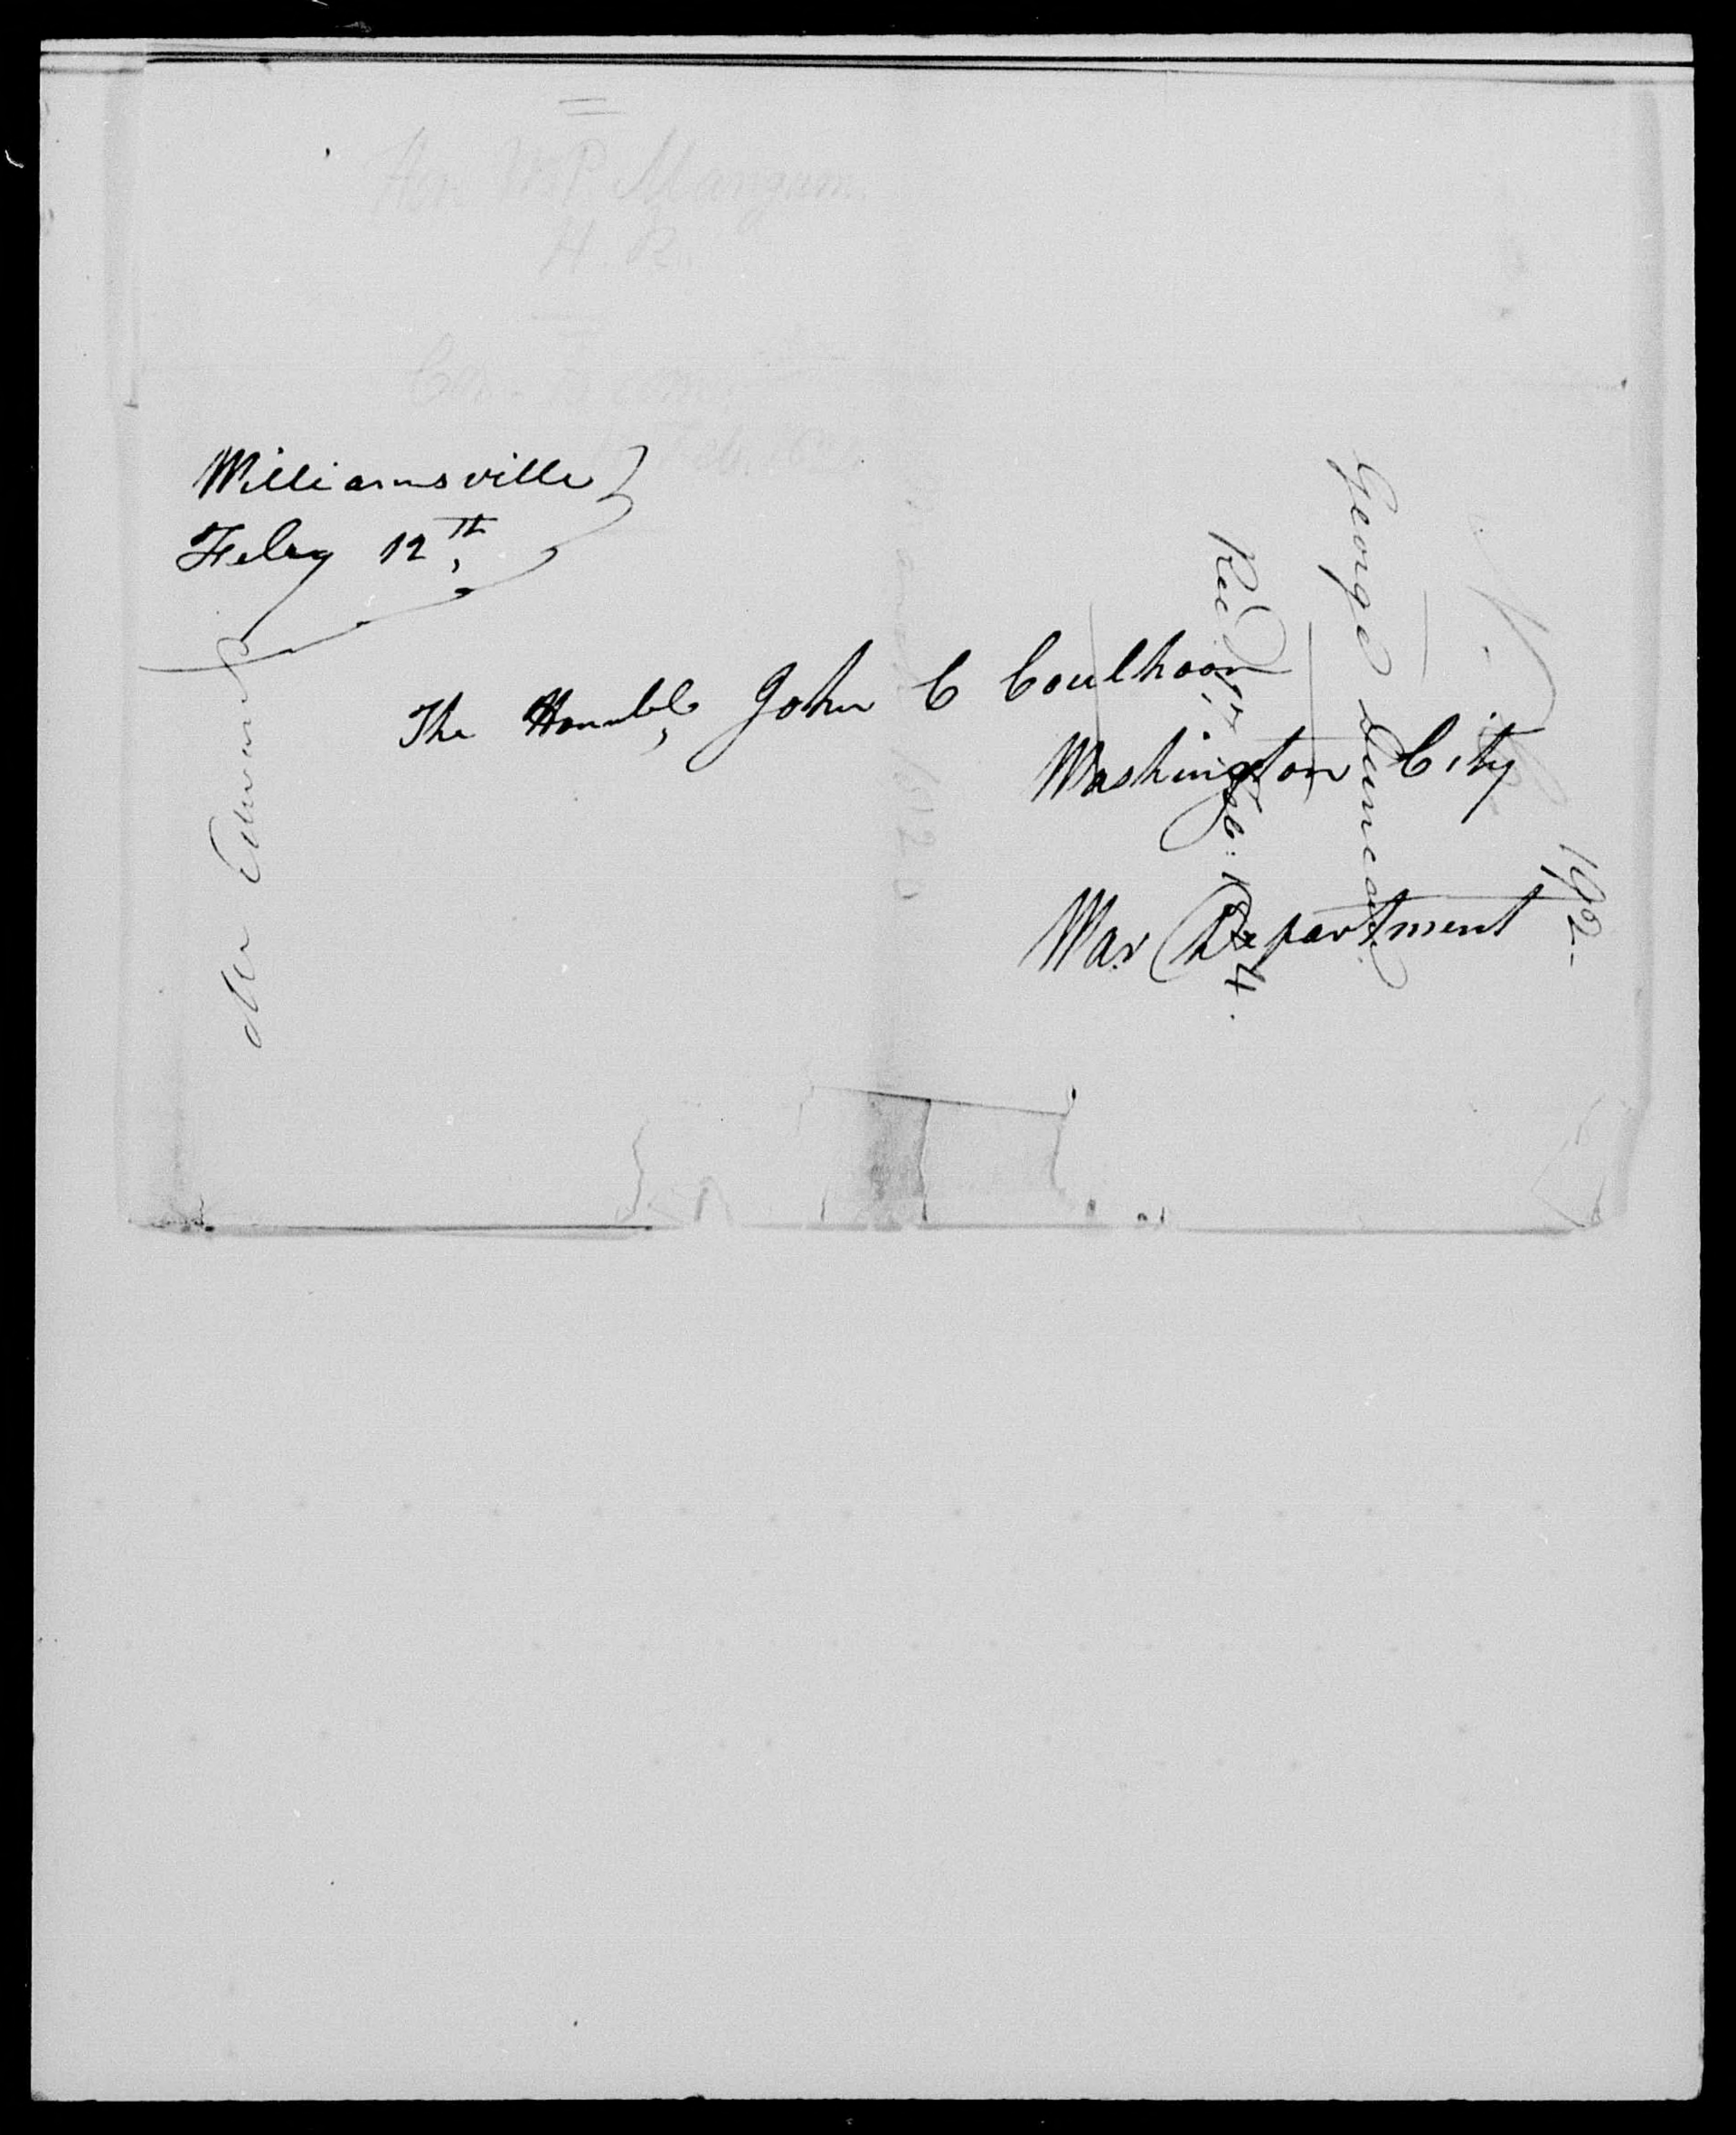Williamsville  July 12
The Honorable John C Coulhoon
Washington City
War Department
(sideways) George Duncan 
Received 17 February 1824
Mr Edwards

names: John C Coulhoon, John C Coulhoon, Edwards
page: 9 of 49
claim: survivor's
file: S. 41513, George Duncan, N.C.